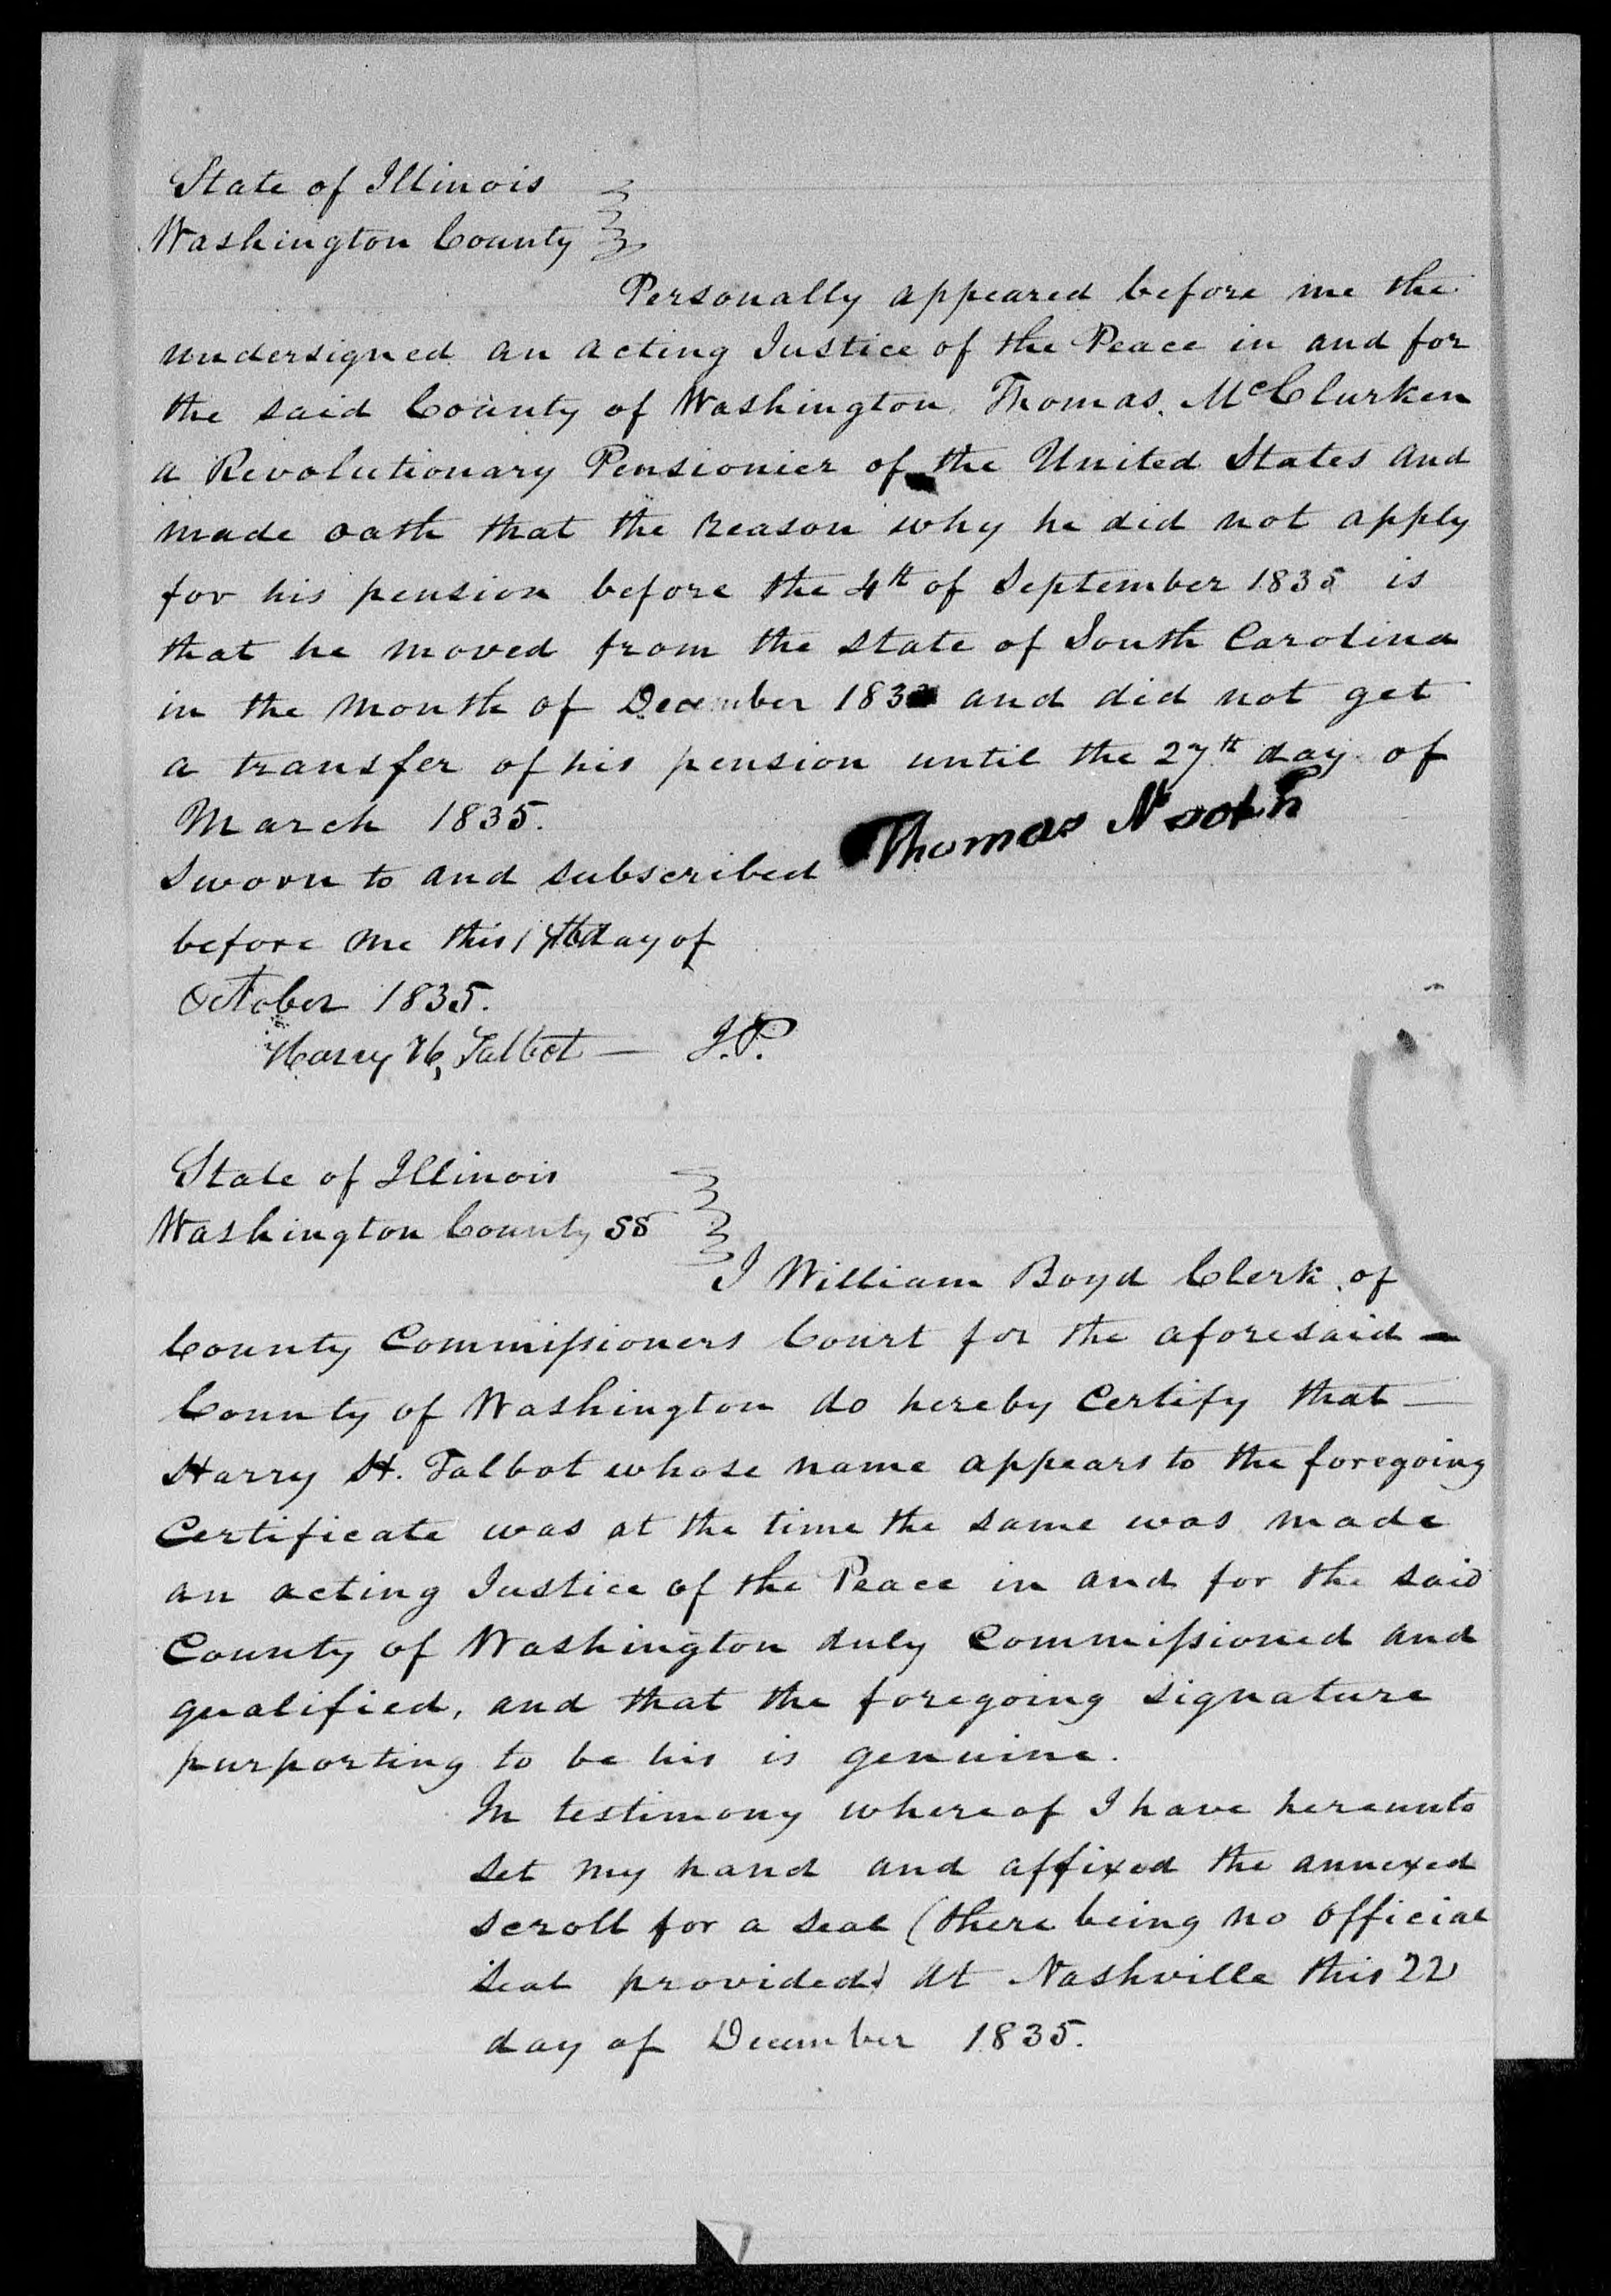State of Illinois} 
Washington County}
Personally appeared before me the undersigned an acting Justice of the Peace in and for the said County of Washington Thomas McClurken Revolutionary Pensioner of the United States and made oath that the reason why he did not apply for his pension before the 4th of September 1835 is that he moved from the State of South Carolina in the month of December 1832 and did not get a transfer of his pension until the 27th day of March 1835. 
Thomas McClurken

Sworn to and subscribed 
before me this 17th day of 
October 1835 

Harry H. Talbot J.P. 

State of Illinois} 
Washington County SS ⎬
 I William Boyd Clerk of County Commissioners Court for the aforesaid- County of Washington do hereby certify that Harry H. Talbot whose name appears to the foregoing Certificate was at the time the same was made an acting Justice of the Peace in and for the said County of Washington duly commissioned and qualified, and that the foregoing signature purporting to be his is genuine 

In testimony whereof I have hereunto 
set my hand and affixed the annexed 
Scroll for a seal (there being no official 
Seal provided) at Nashville this 22 day of December 1835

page: 50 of 93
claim: widow's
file: W. 21792, for Thomas Mc Clurken, South Carolina